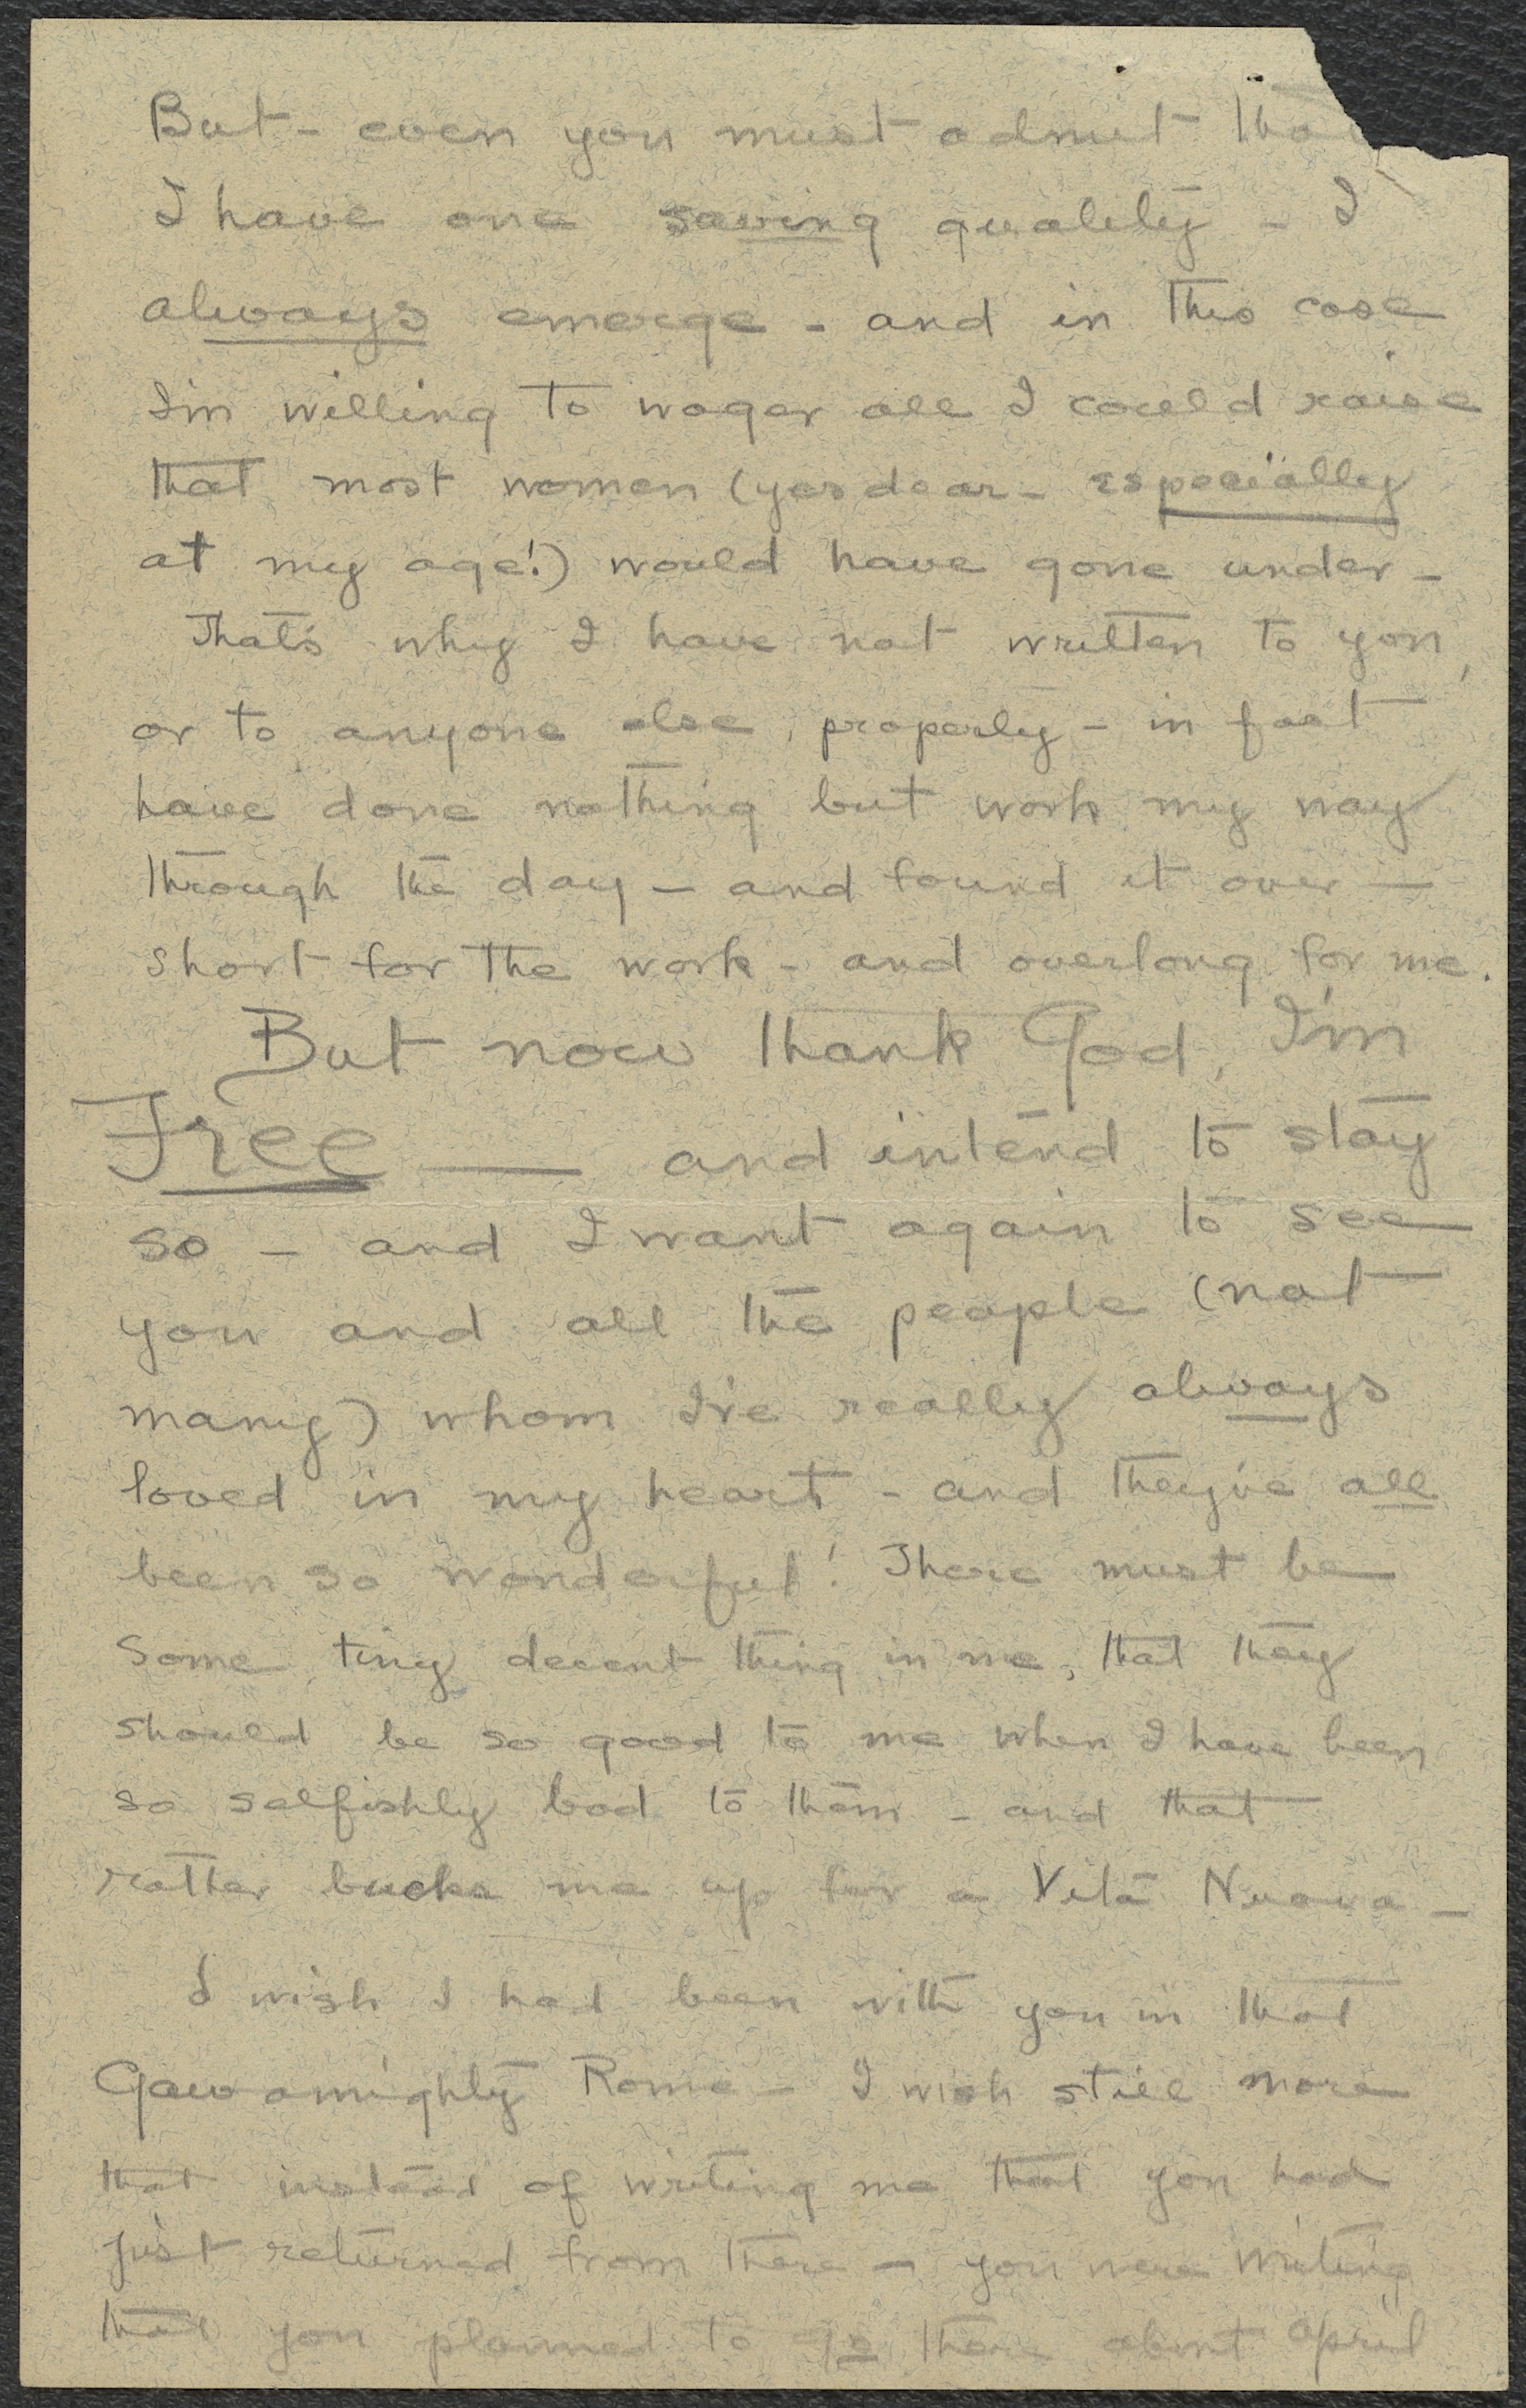But – even you must admit that I have one saving quality – I always emerge – and in this case I’m willing to wager all I could raise that most women (yes dear – especially at my age!) would have gone under –
That’s why I have not written to you, or to anyone else properly – in fact have done nothing but work my way through the day – and found it overshort for the work – and overlong for me.
[In a larger hand: But now thank God, I’m Free –] and intend to stay so – and I want again to see you and all the people (not many) whom I’ve really always loved in my heart – and they’ve all been so wonderful! There must be some tiny decent thing in me, that they should be so good to me when I have been so selfishly bad to them – and that rather bucks me up for a Vita Nuova –
I wish I had been with you in that Gawamighty Rome – I wish still more that instead of writing me that you had just returned from there – you were writing me that you had just returned from there – you were writing that you planned to go there about April